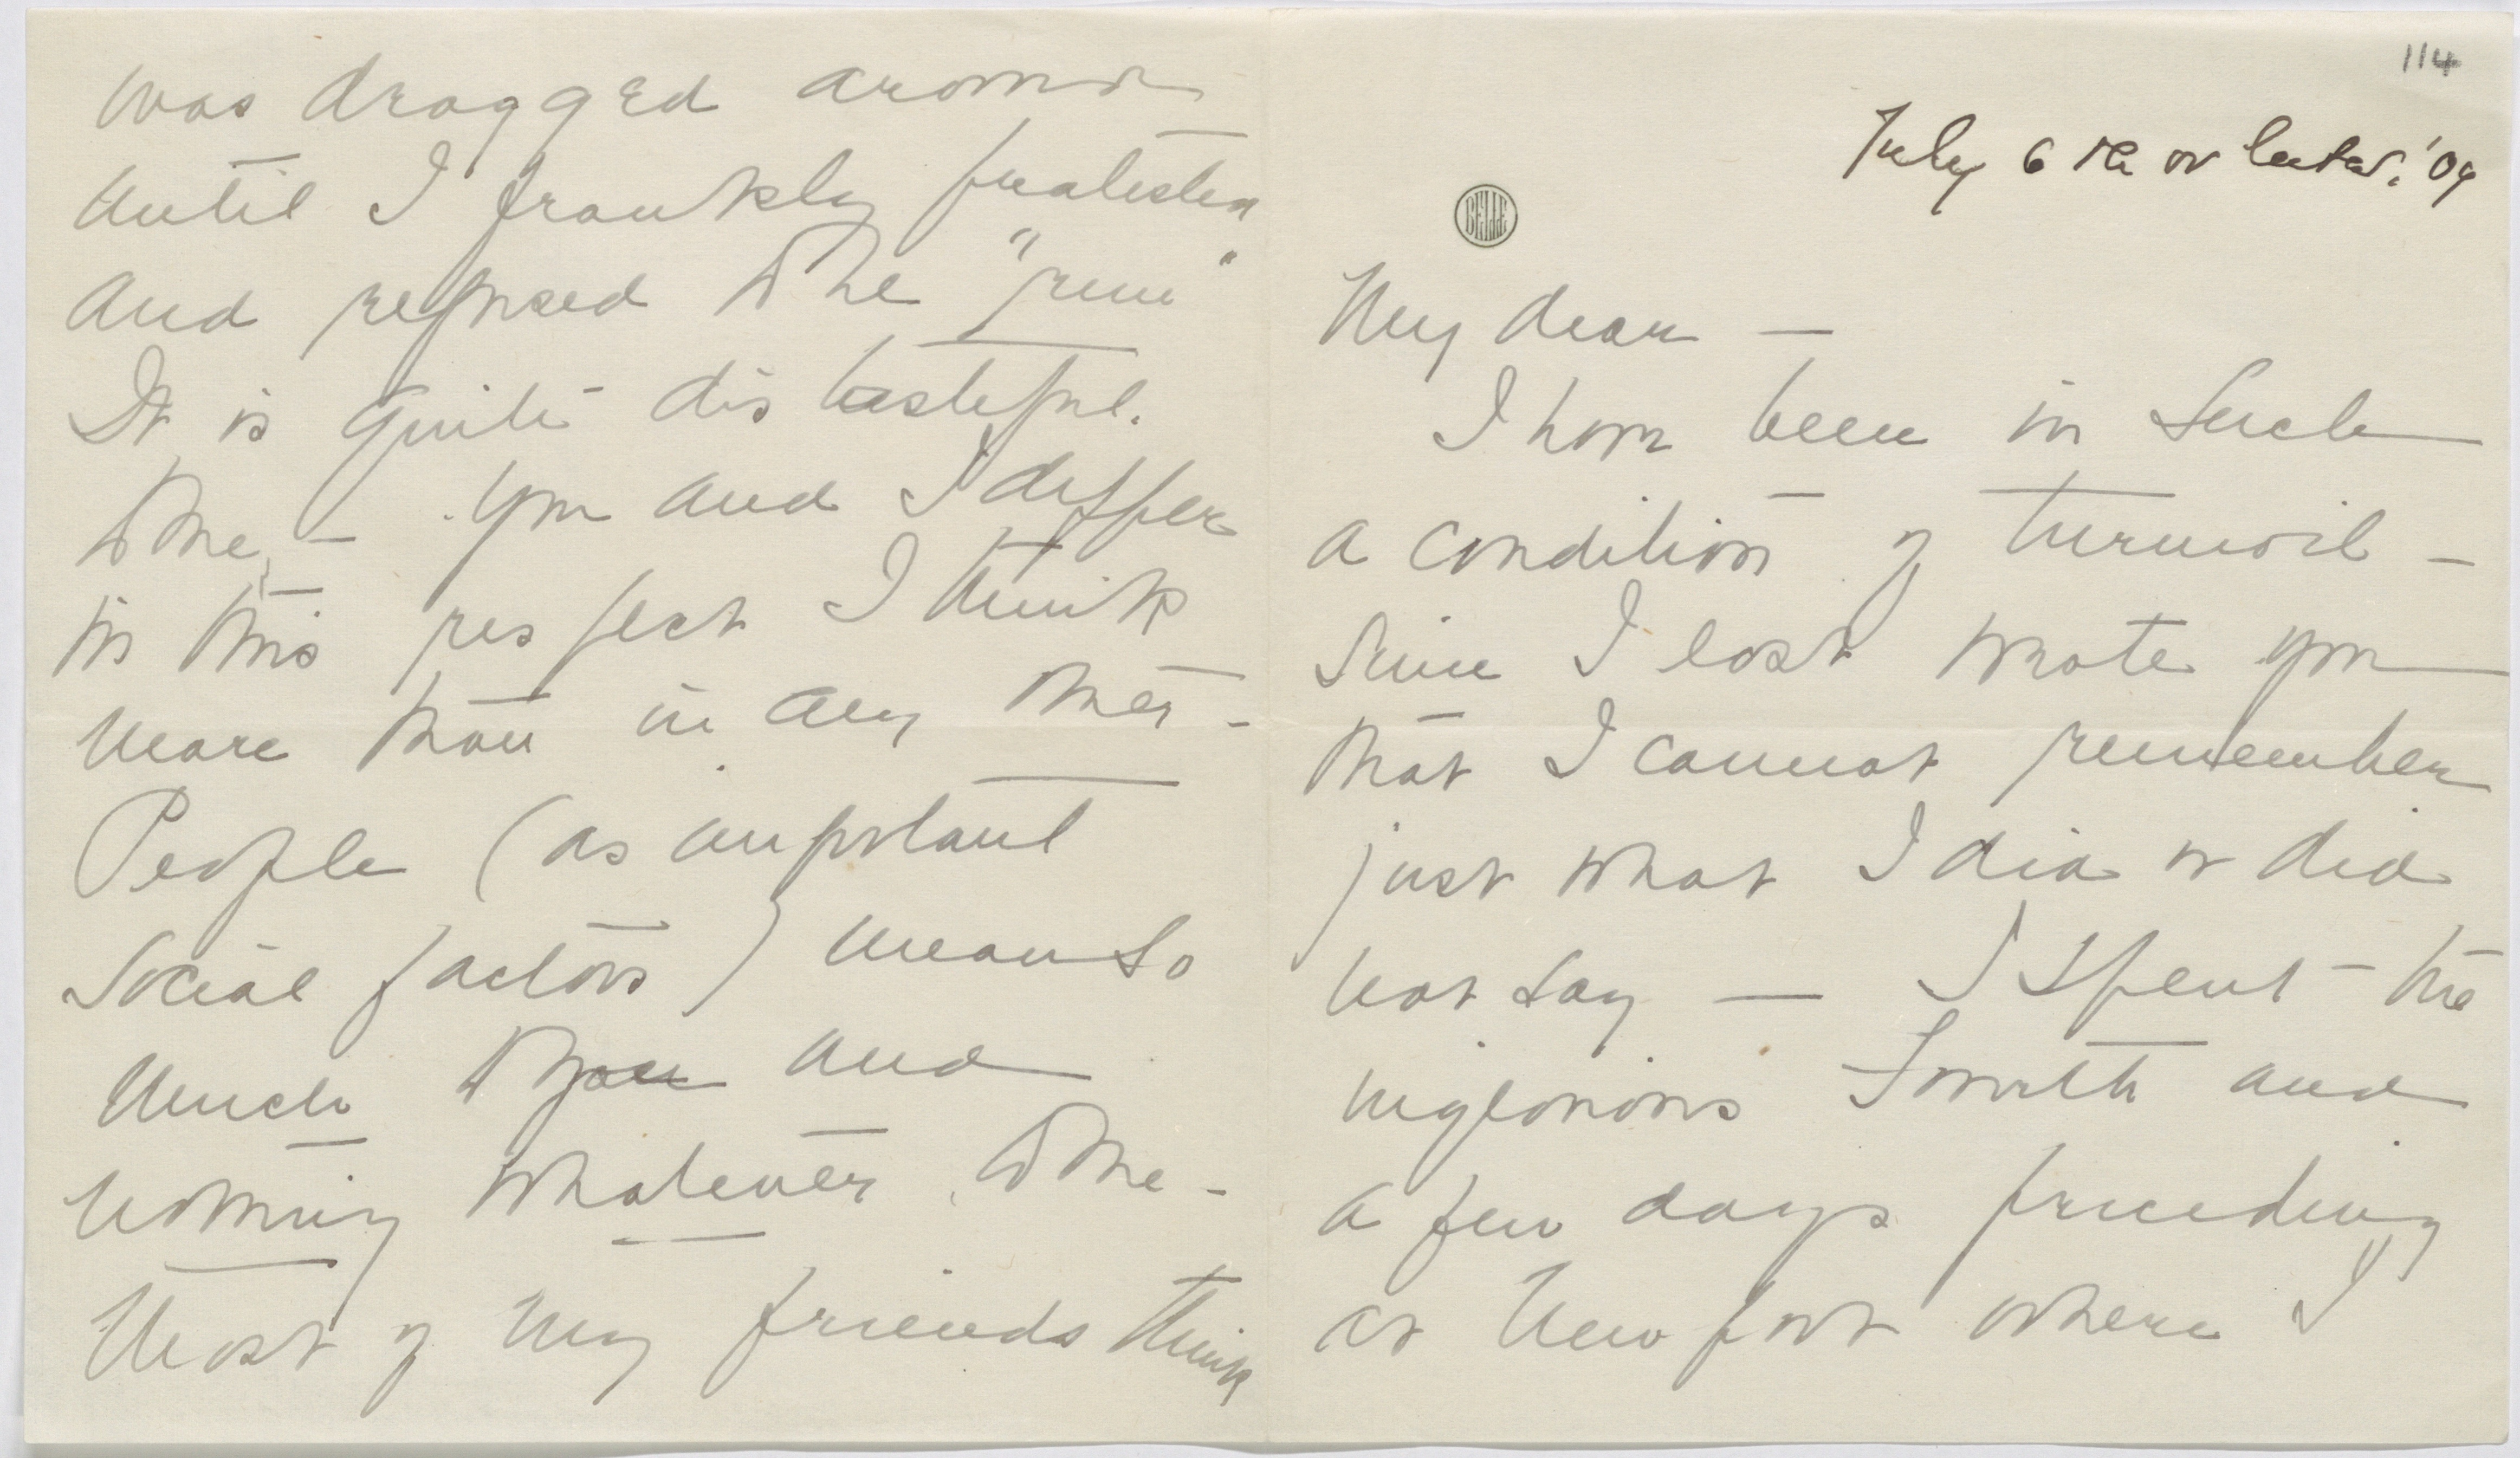My dear –
I have been in such a condition of turmoil – since I last wrote you that I cannot remember just what I did or did not say – I spent the inglorious Fourth and a few days preceding at Newport where I
was dragged around until I frankly protested and refused to be “run”
It is quite distasteful to one – you and I differ in this respect I think more than in any other – People (as important social factors) mean so much to anyou and nothing whatever to me – Most of my friends think